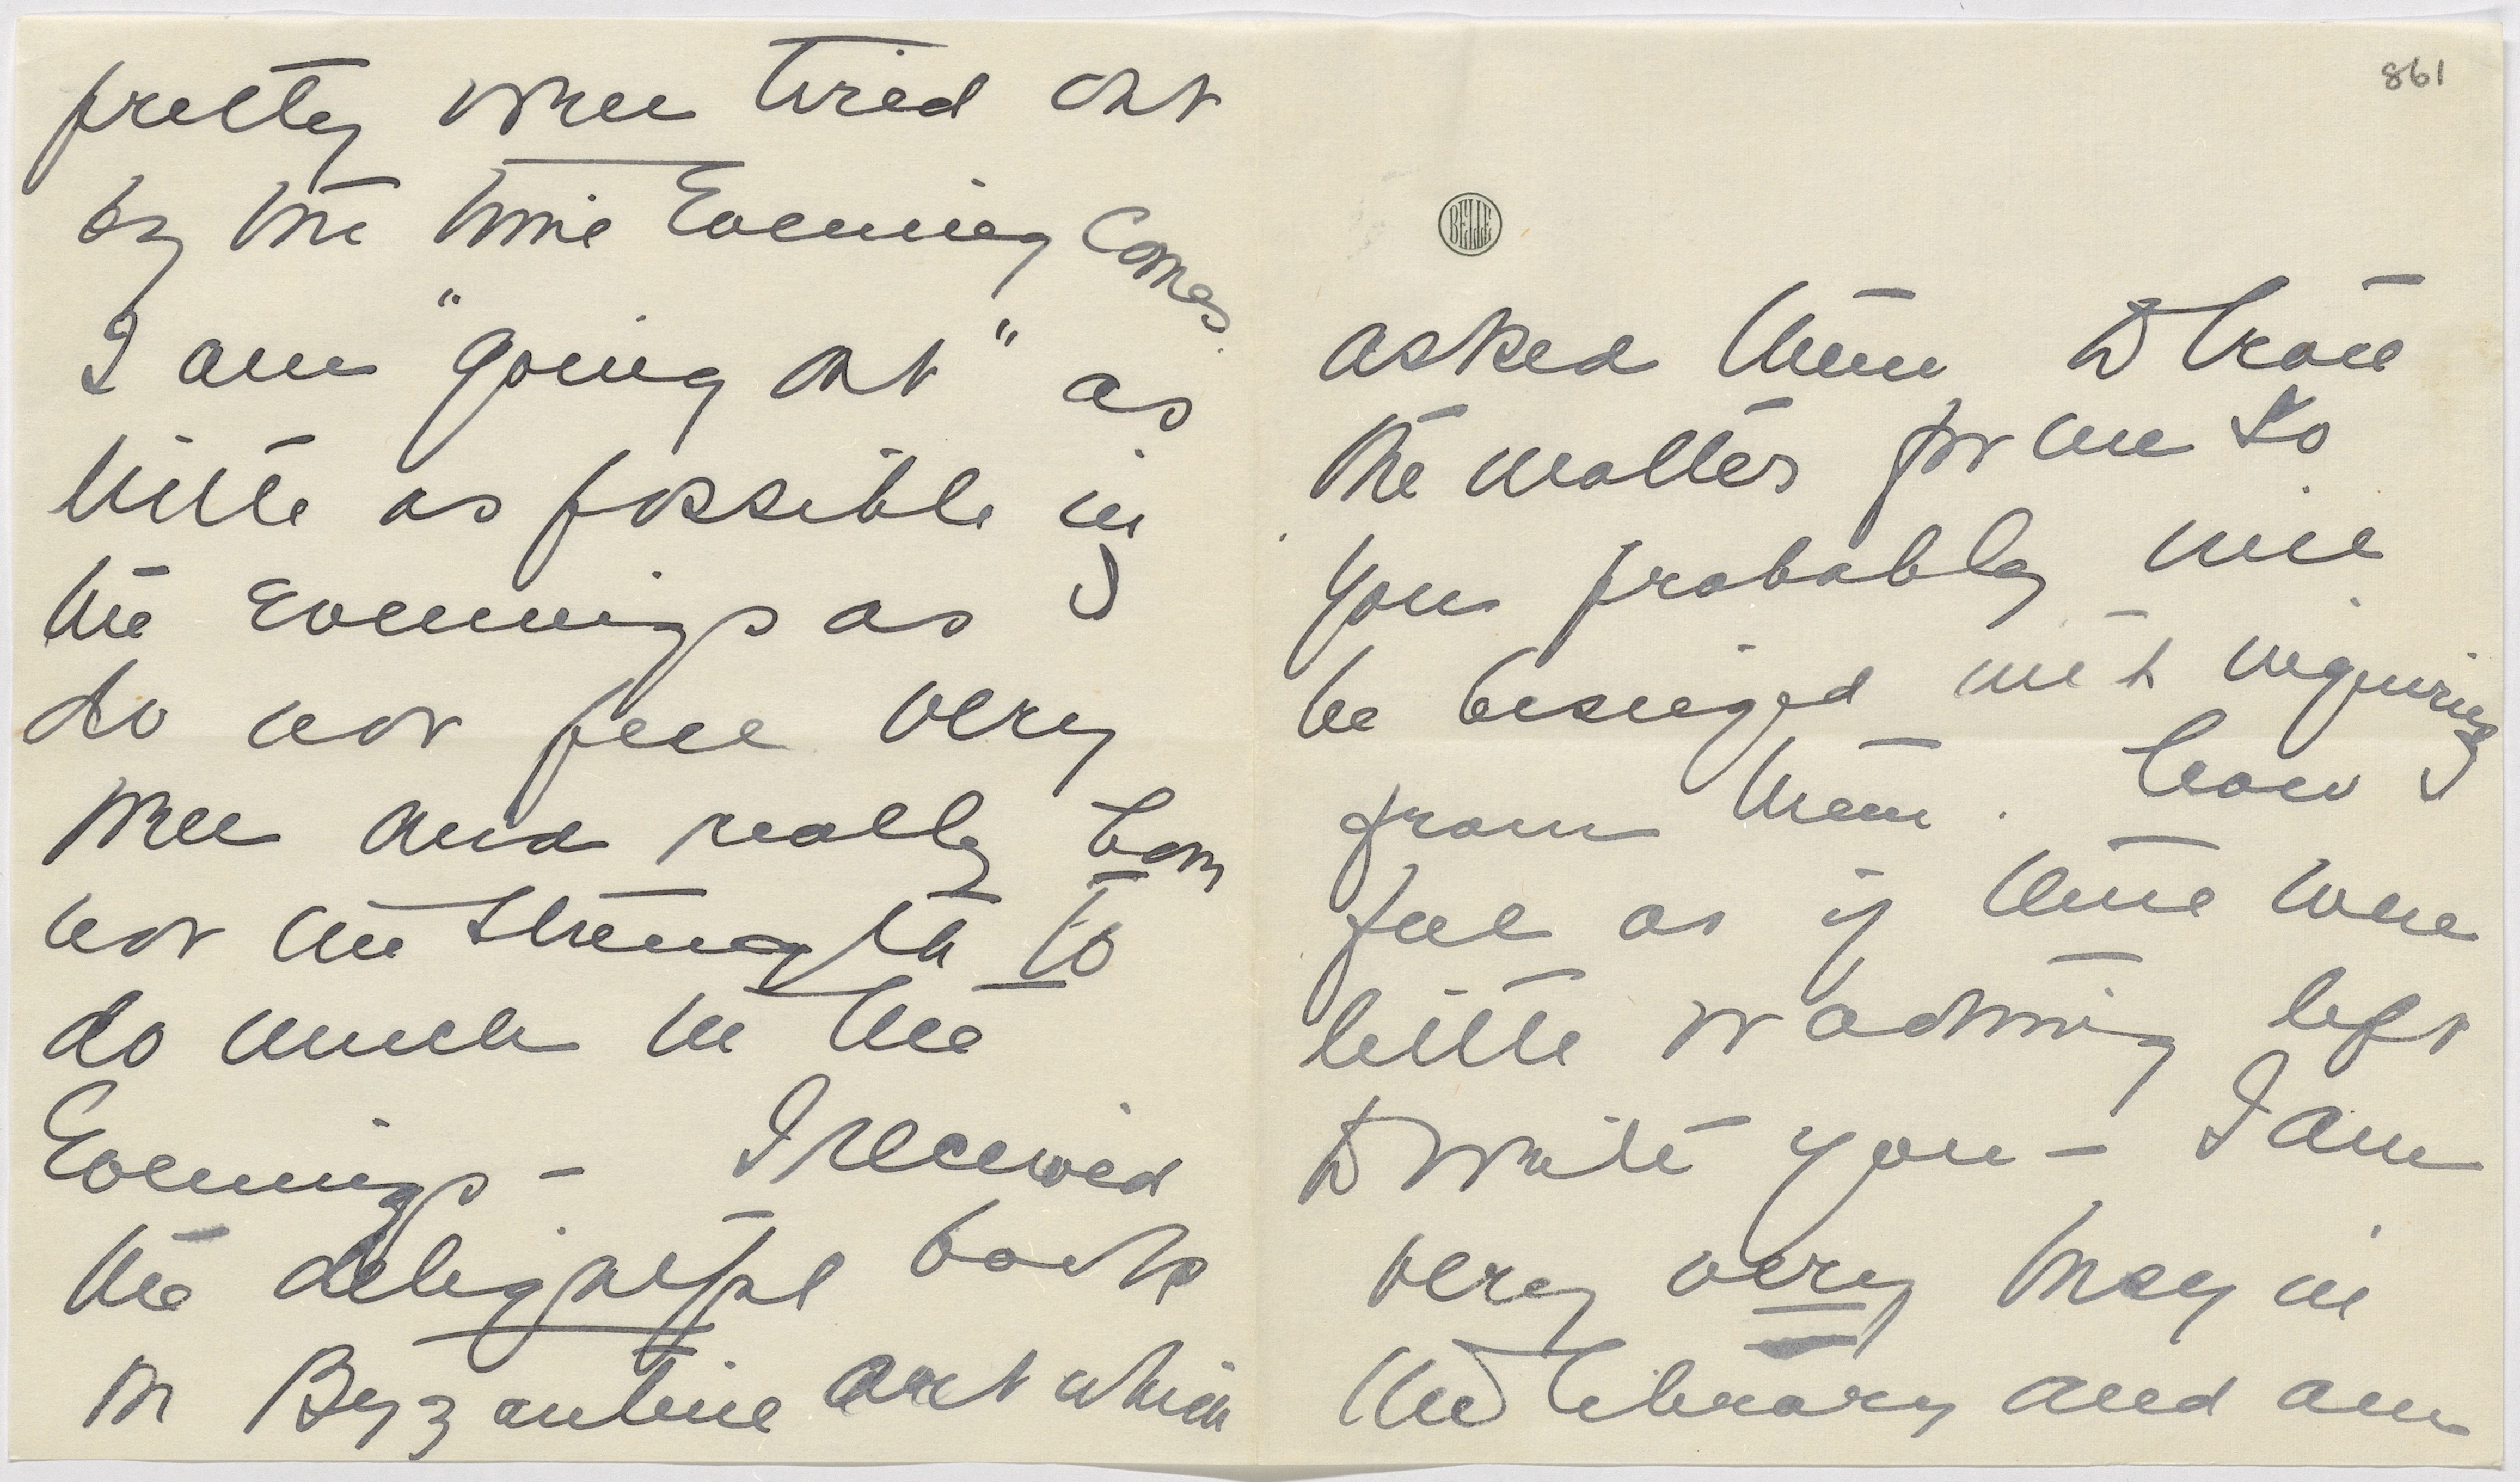asked them to trace the matter for me so you probably will be besieged with inquiries from them. Now I feel as if there were little or nothing left to write you – I am very [double underlined: very] busy in the library and am
pretty well tired out by the time evening comes. I am “going out” as little as possible in the evenings as I do not feel very well and really have not the strength to do much in the evenings – I received the delightful book on Byzantine art which